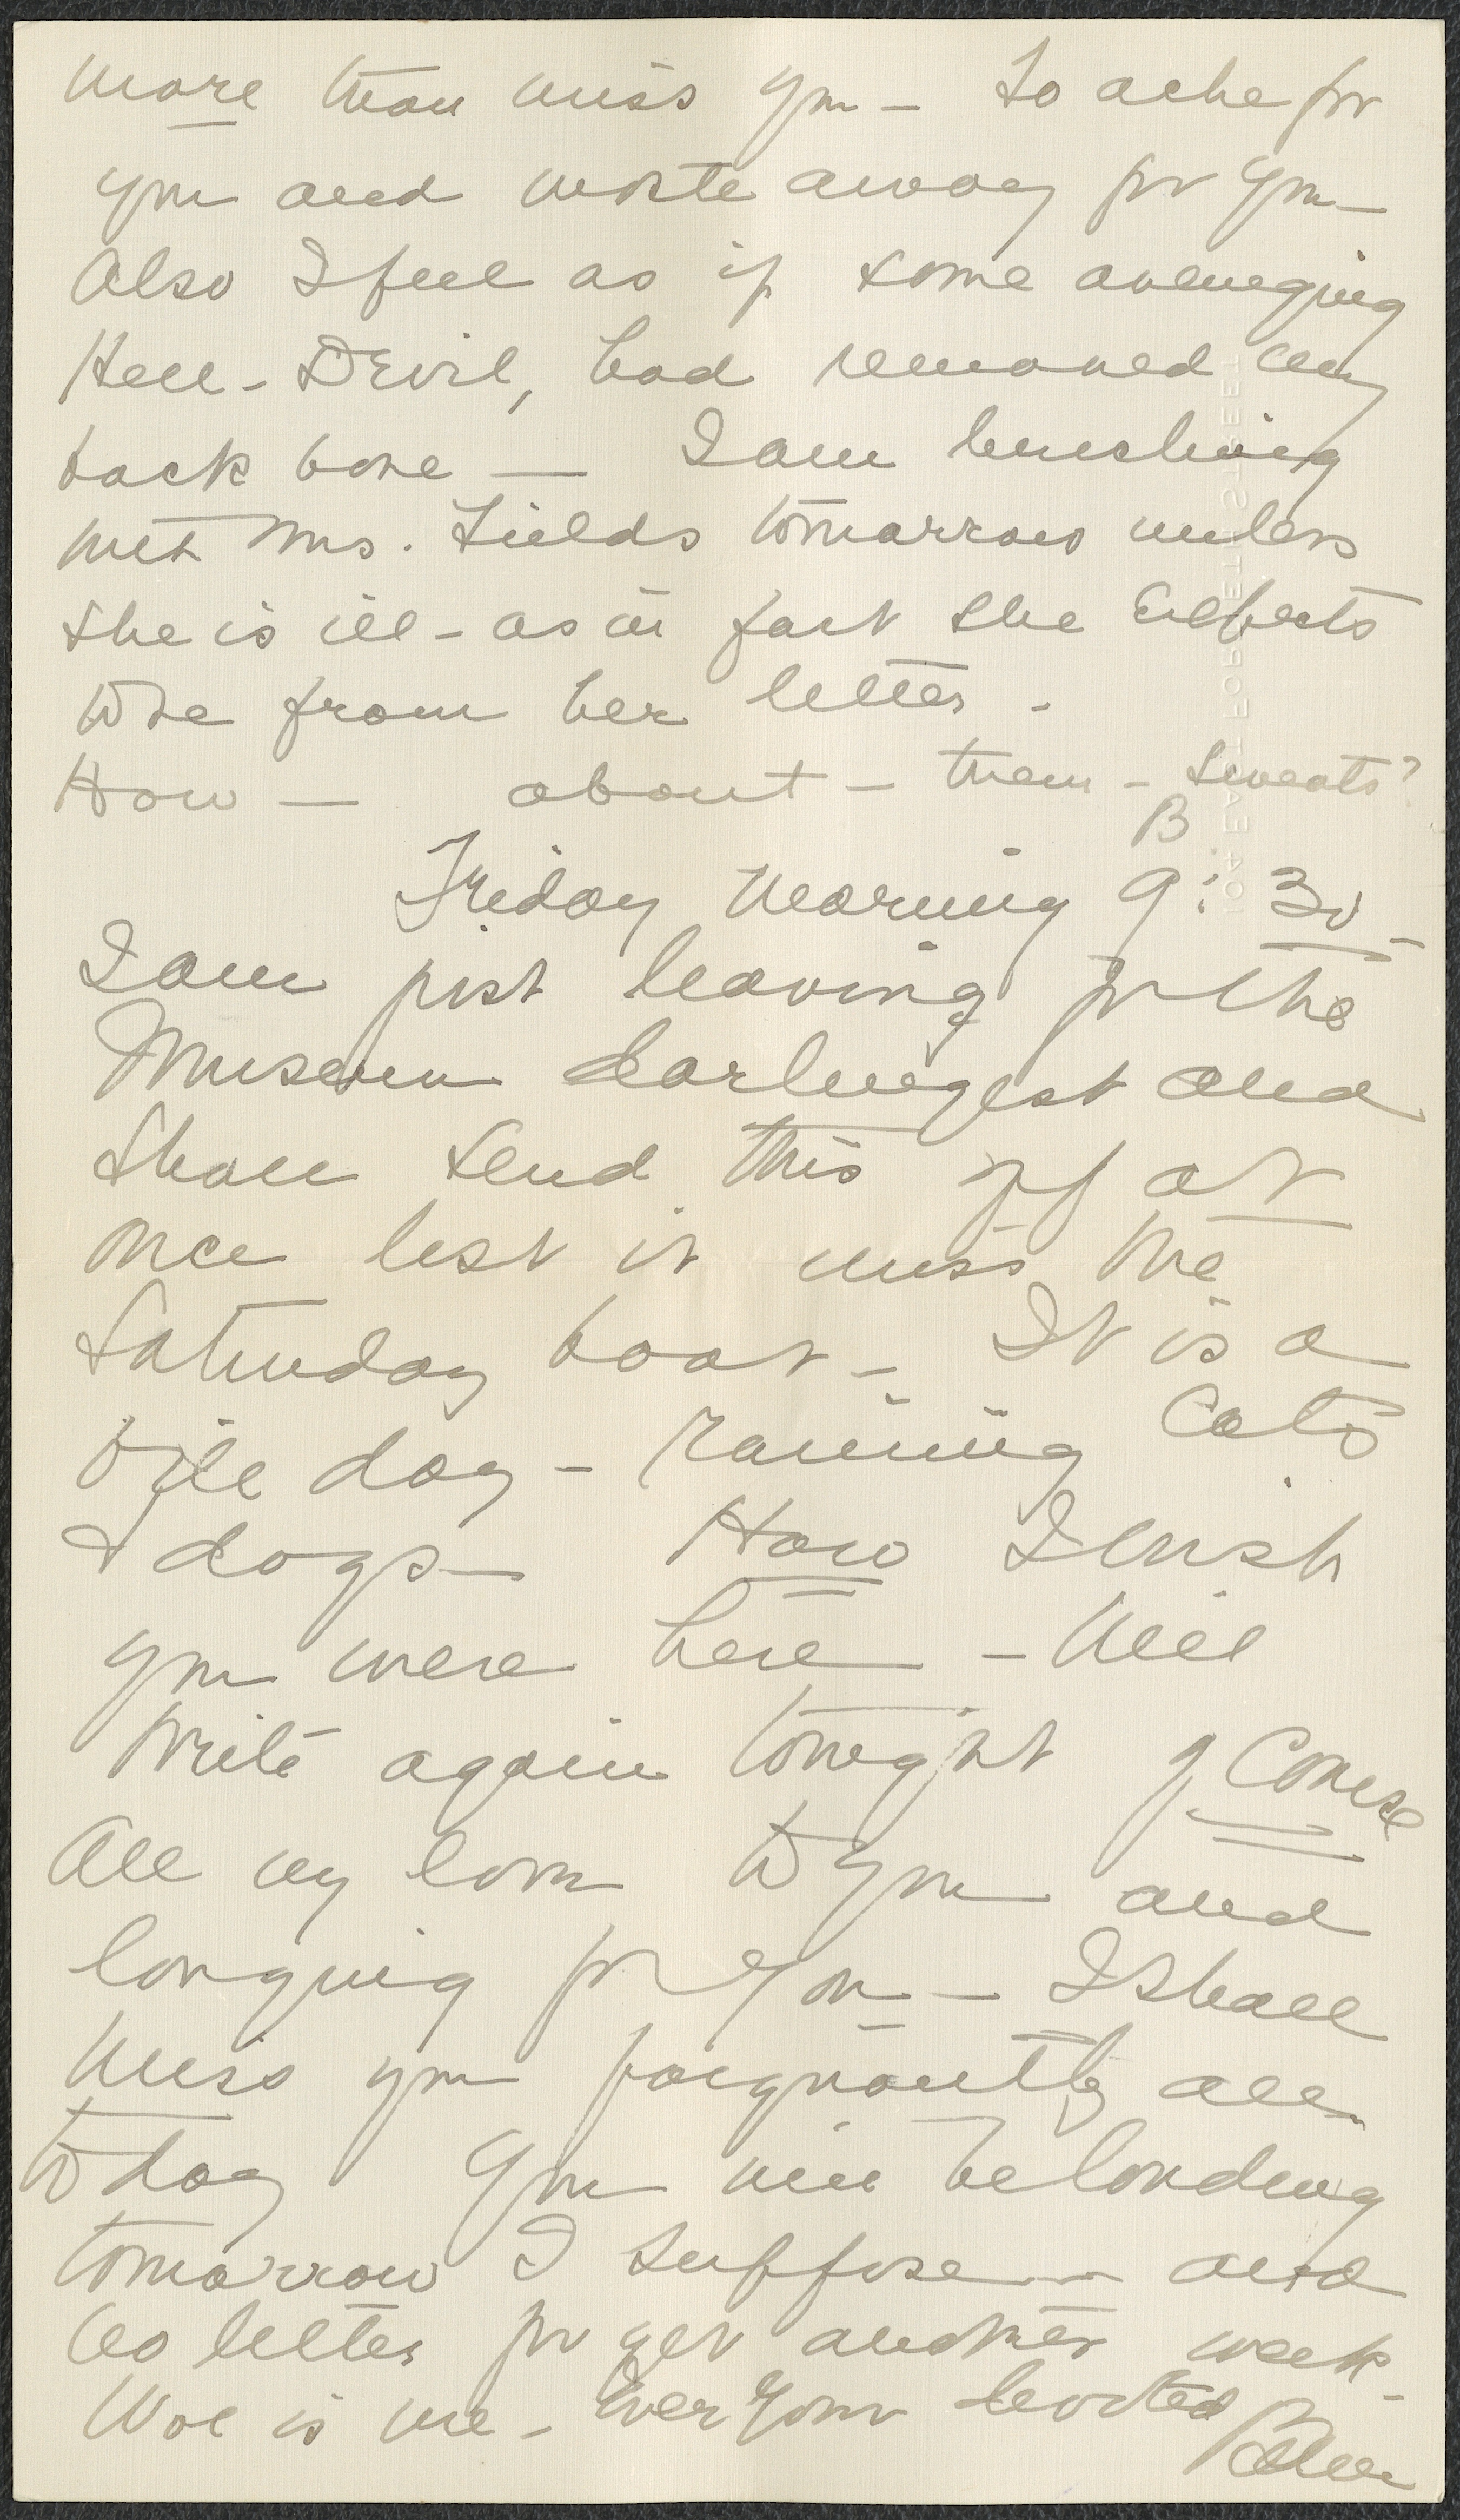more than miss you – so ache for you and waste away for you – also I feel as if some avenging Hell-Devil, had removed my backbone – I am lunching with Ms. Fields tomorrow unless she is ill – as in fact she expects to be from her letter –
How – about – them – sweats?
B.
Friday morning 9:30 –
I am just leaving for the Museum darlingest and shall send this off at once lest it miss the Saturday boat – It is a vile day – raining cats & dogs – [double underlined: How] I wish you were here – will write again tonight [double underlined: of course]
All my love to you and longing for you – I shall miss you poignantly all today You will be landing tomorrow I suppose – and no letter for yet another week – Woe is me – Ever your devoted
Belle